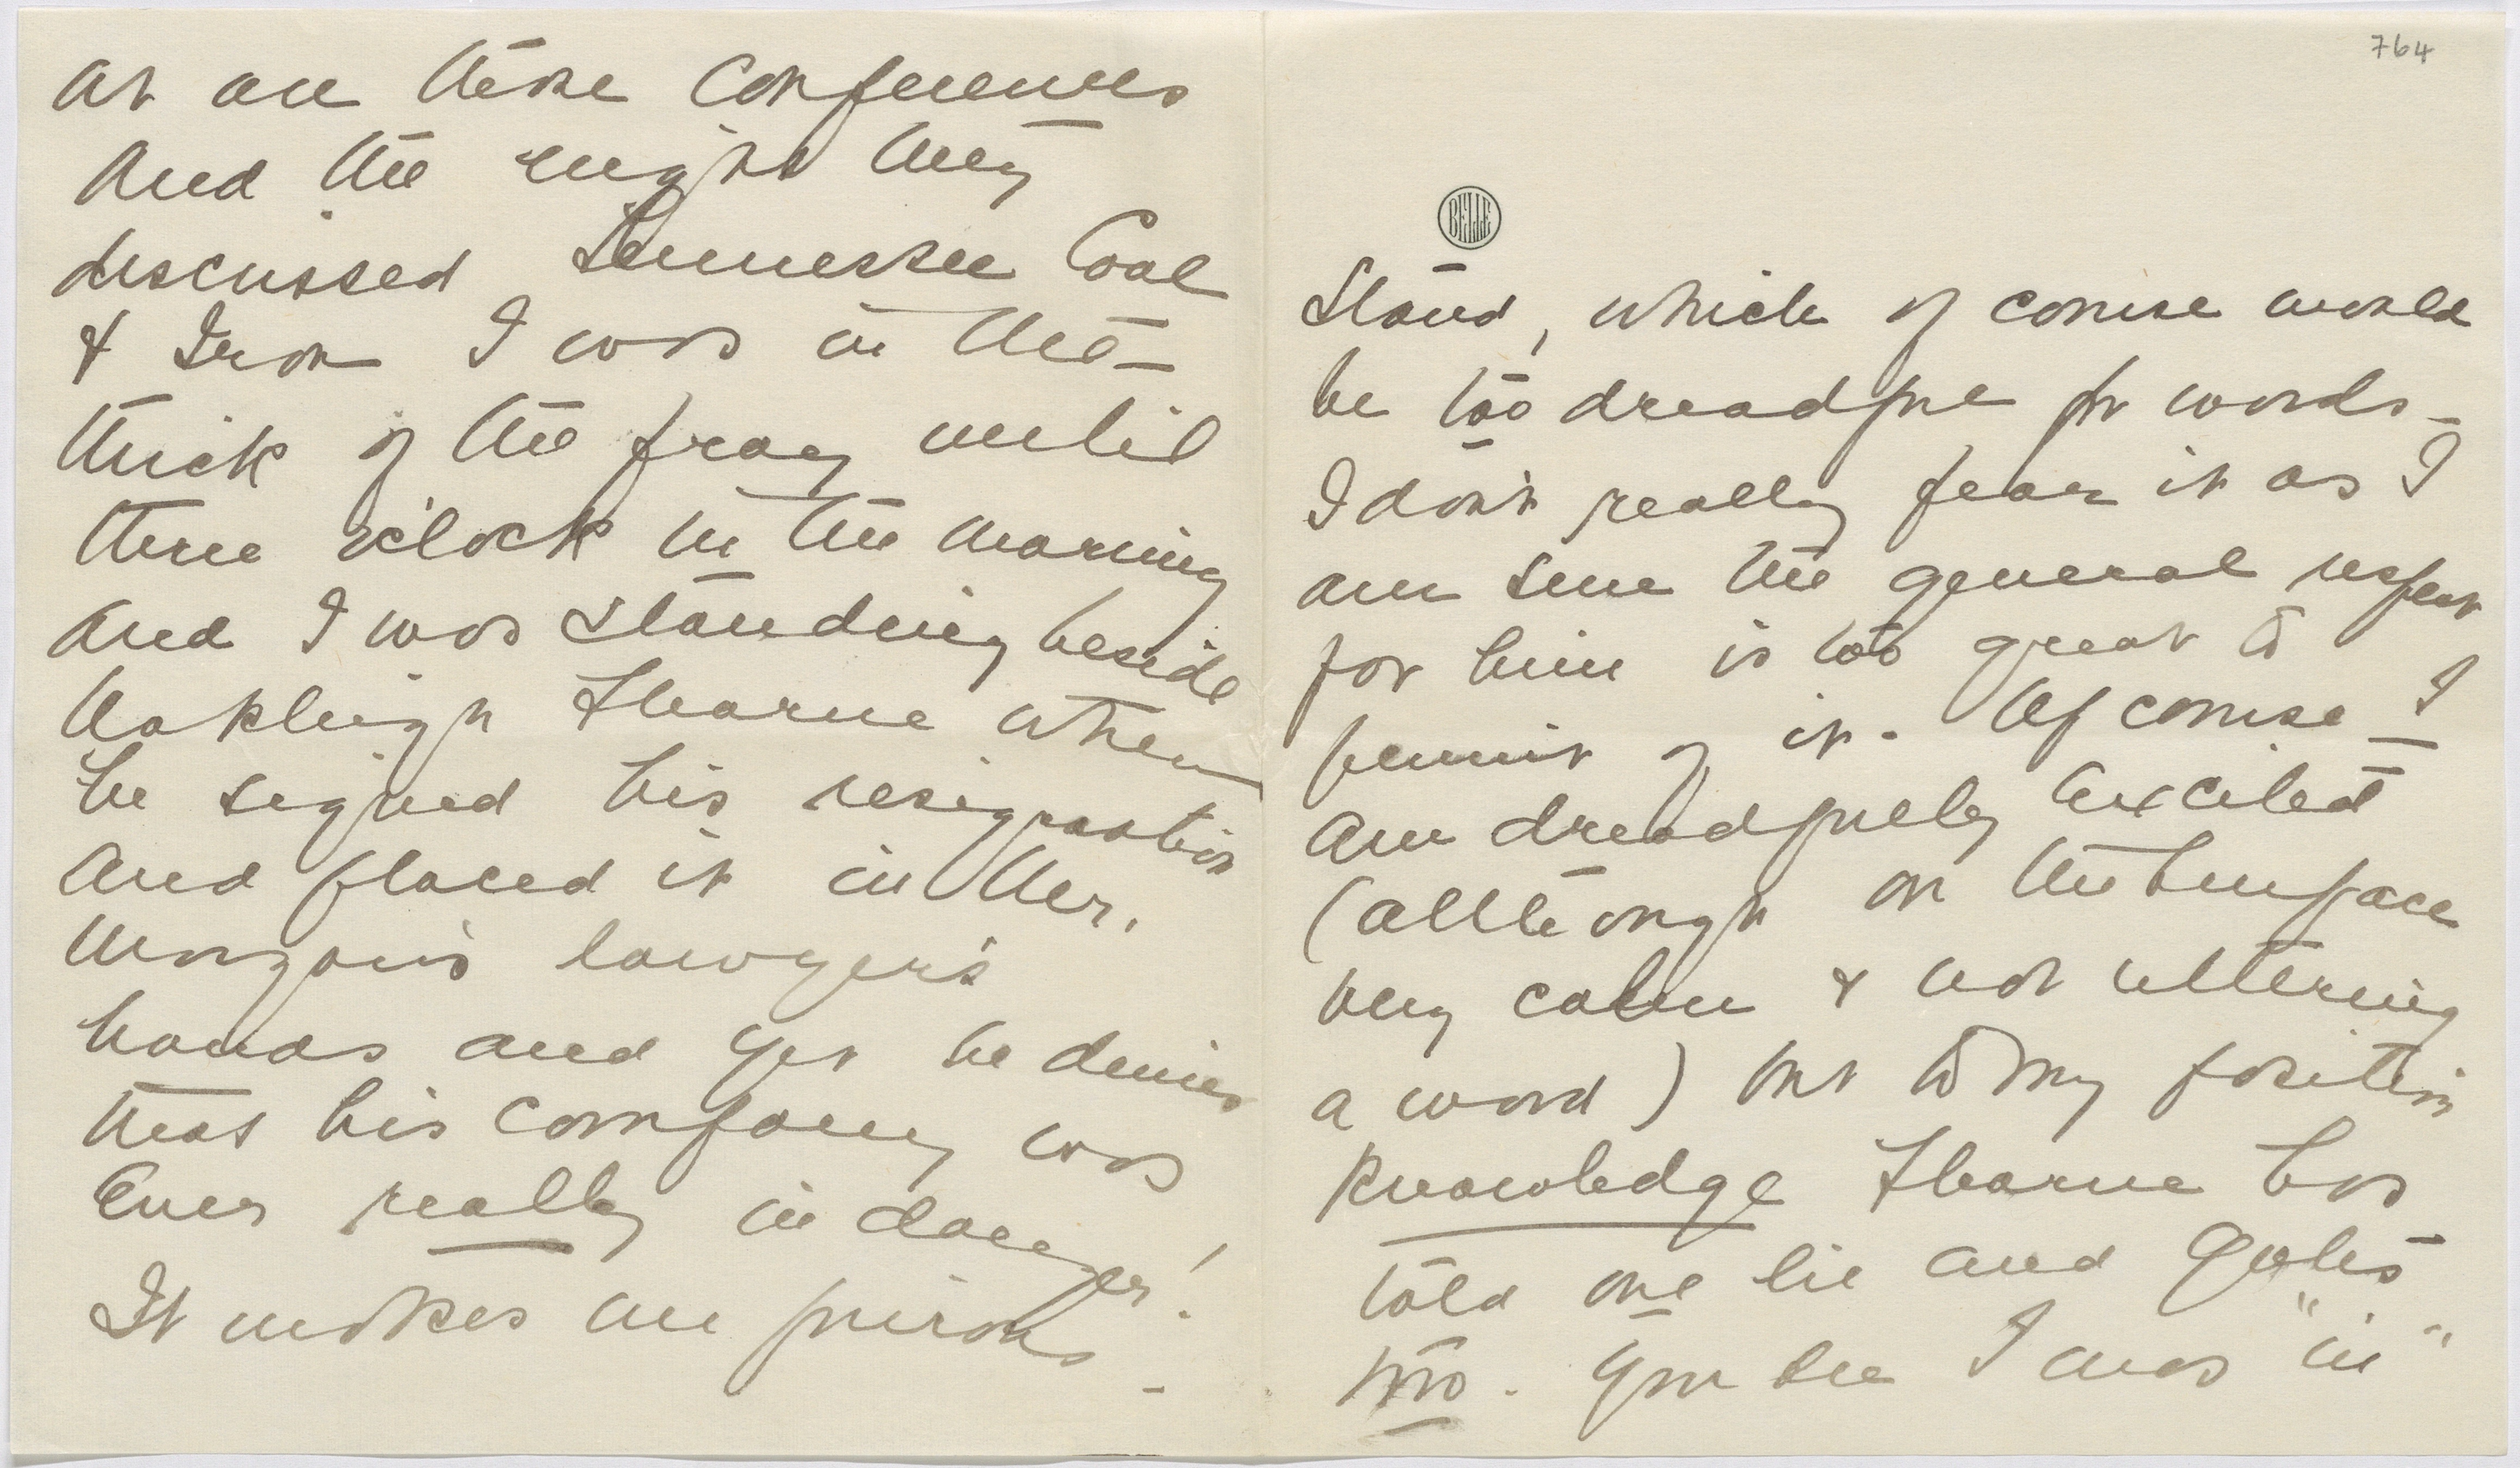stand, which of course would be too dreadful for words – I don’t really fear it as I am sure the general respect for him is too great to permit of it. Of course I am dreadfully excited (although on the surface very calm & not uttering a word) but to my positive knowledge Thorne has told one lie and Gates two. You see I was “in”
at all those conferences and the night they discussed Tennessee Coal & Iron I was in the thick of the fray until three o’clock in the morning and I was standing beside Oakleigh Thorne when he signed his resignation and placed it in Mr. Morgan’s lawyer’s hands and yet he denies that his company was ever really in danger! It makes me furious –